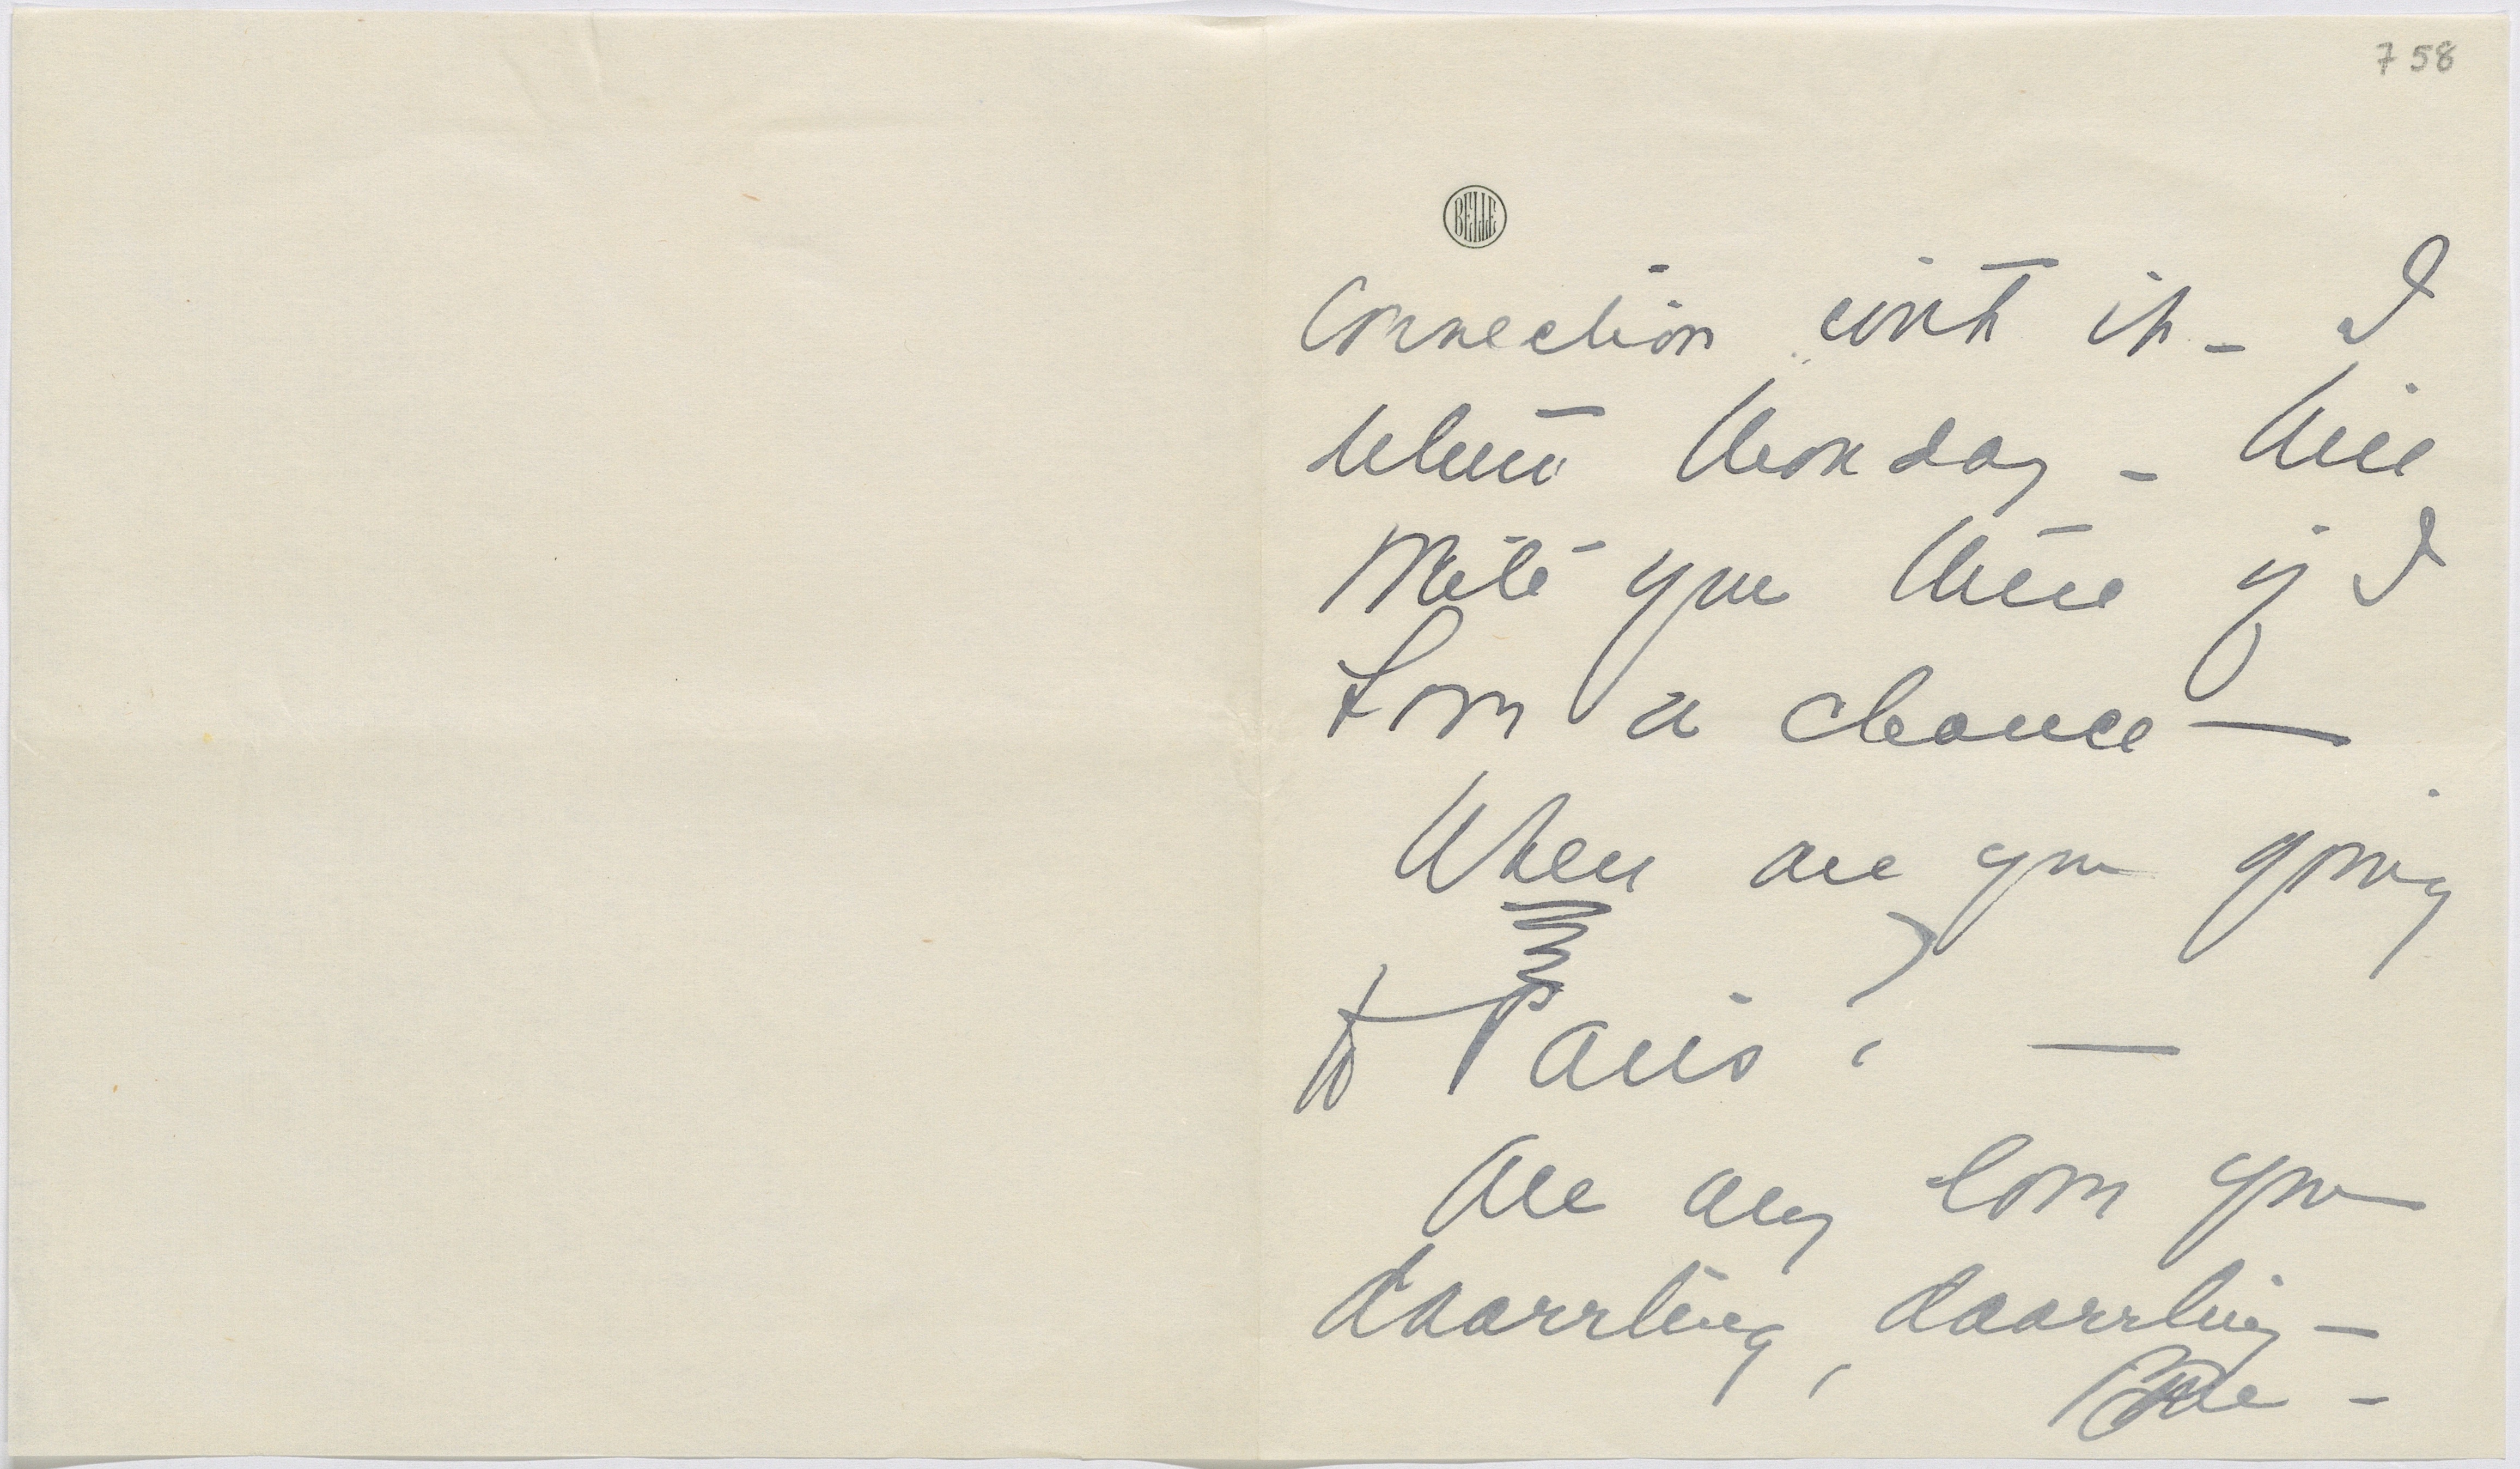connection with it – I return Monday – will write you then if I have a chance –
[quadruple underlined: When] are you going to Paris? –
All my love you daarrling, daarrling –
Belle –